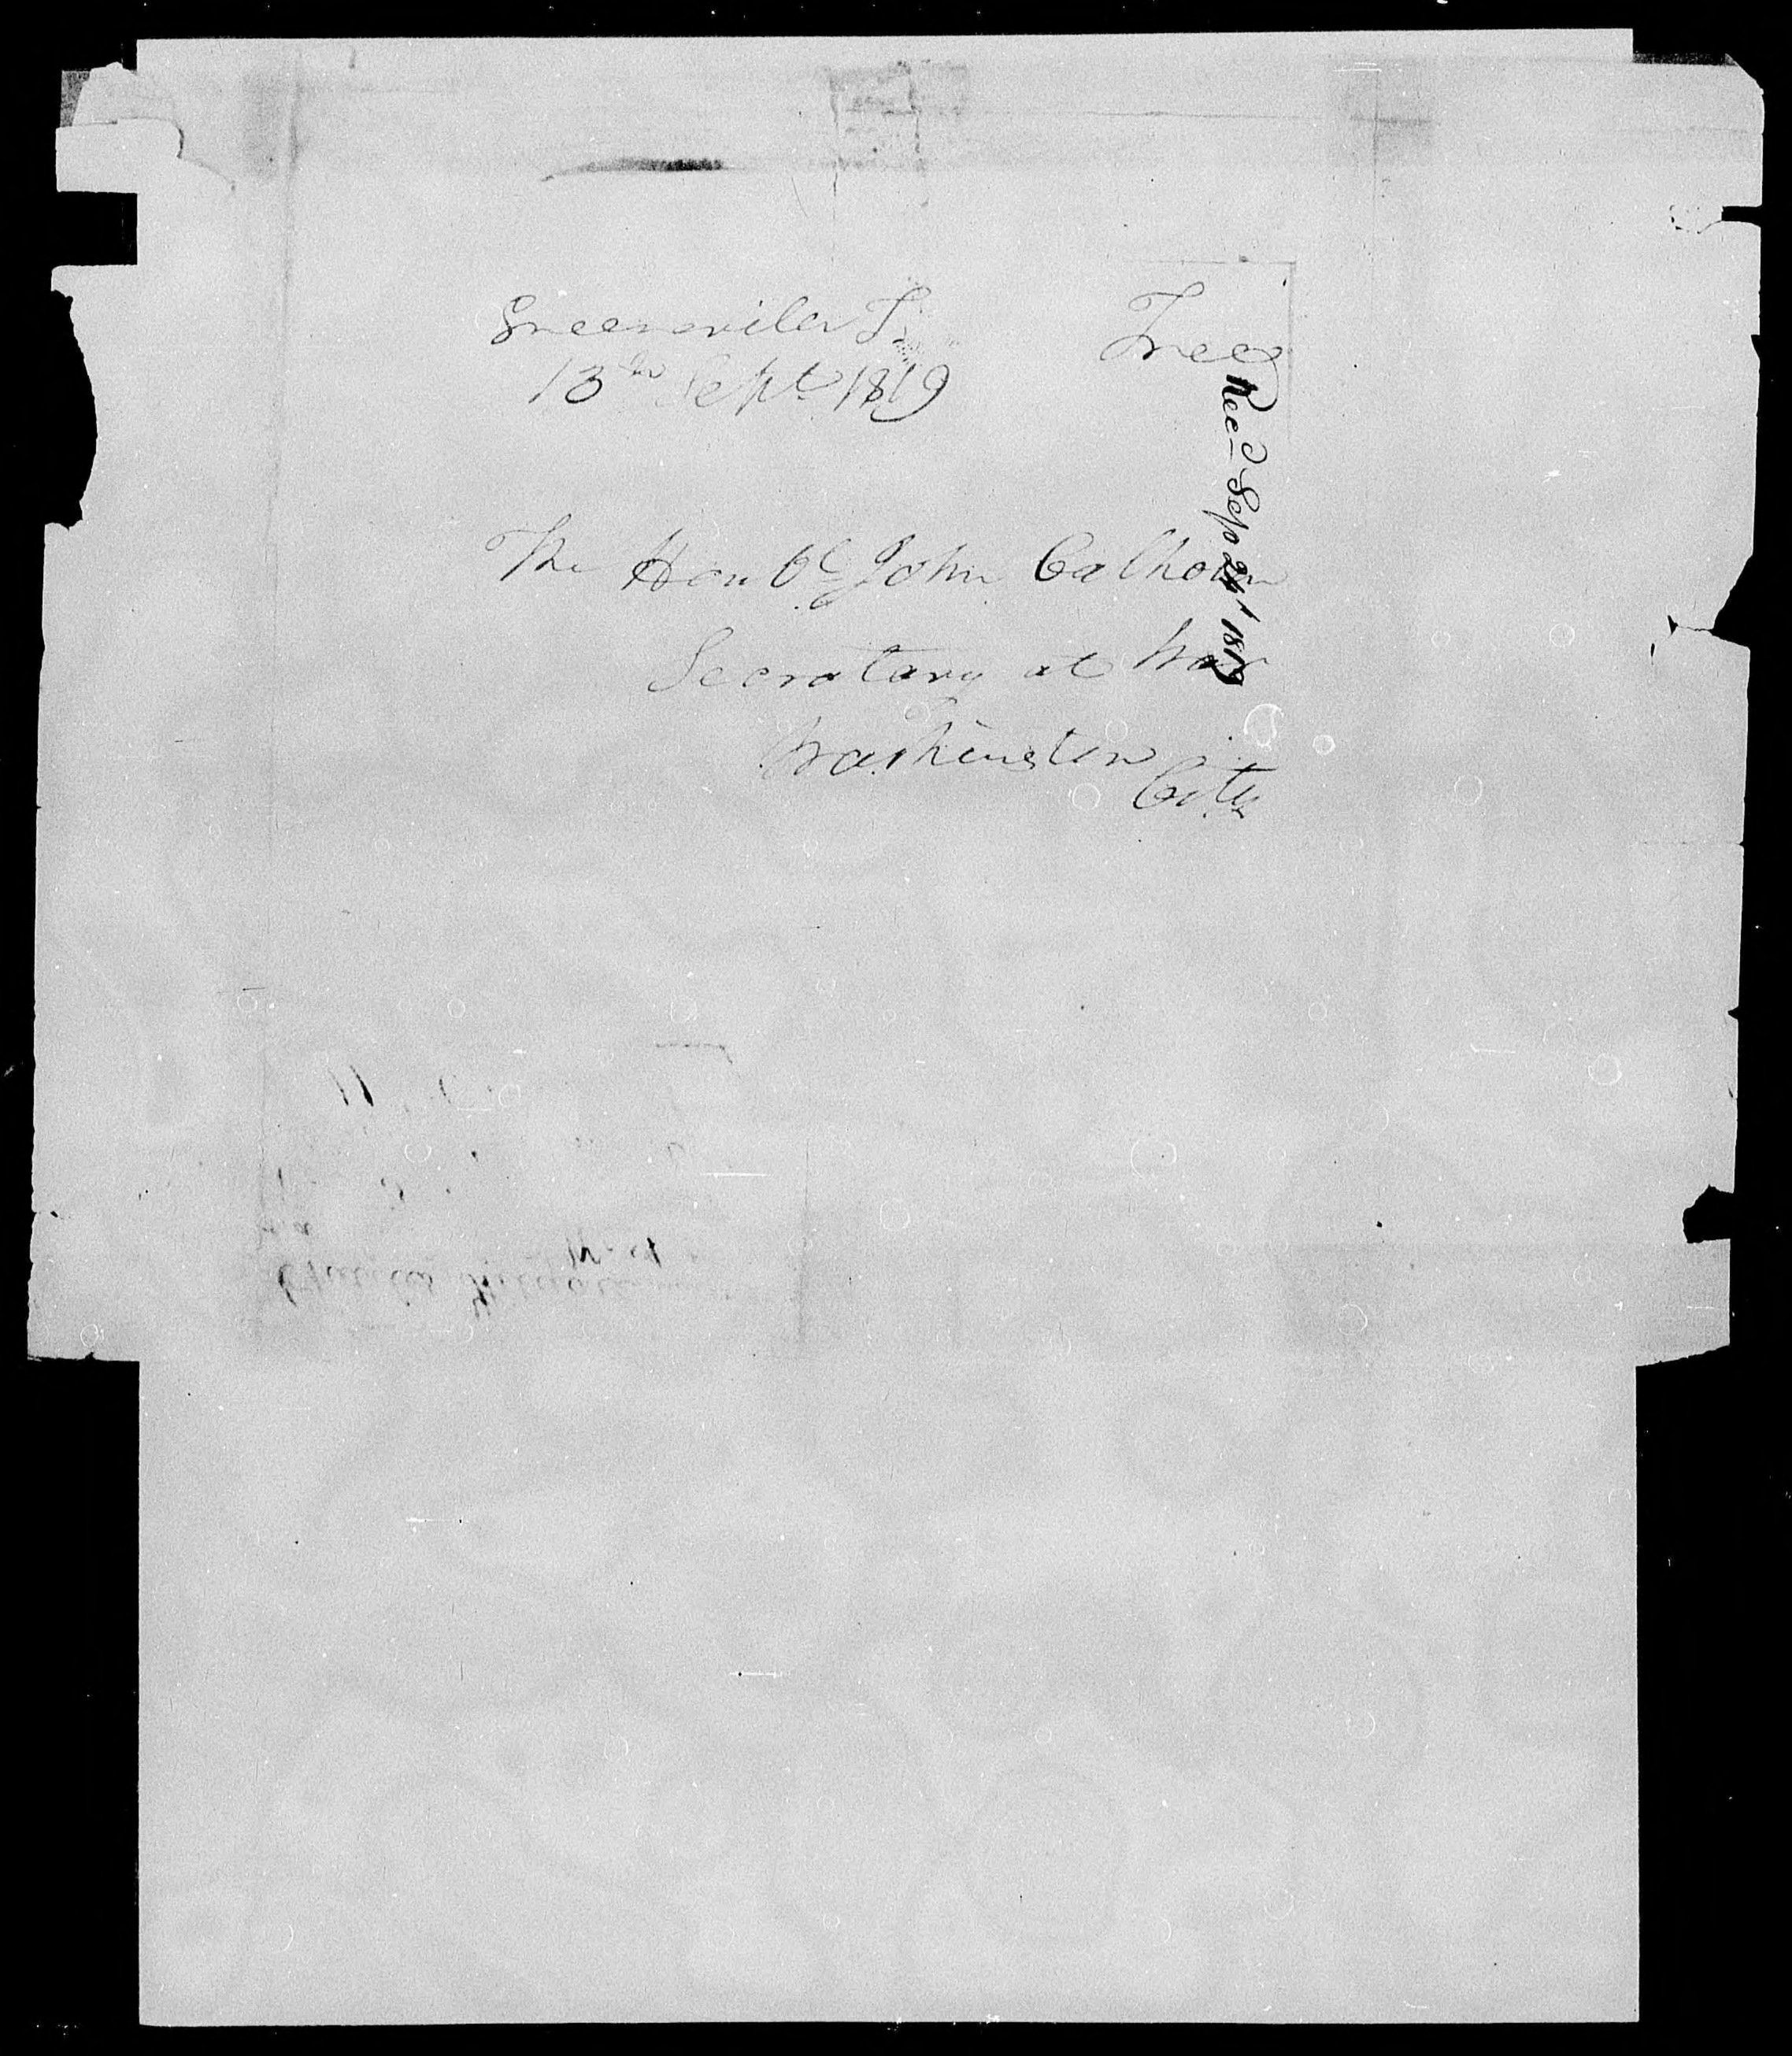Greeneviler T. [Greenville Tennessee] Free
13th Sept. 1819

The Honbl John Calhoun
Secretary at War
Washington City

Recd Sep 24th 1819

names: John Calhoun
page: 3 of 115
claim: survivor's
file: S. 699, for Charles Kilgore, Virginia